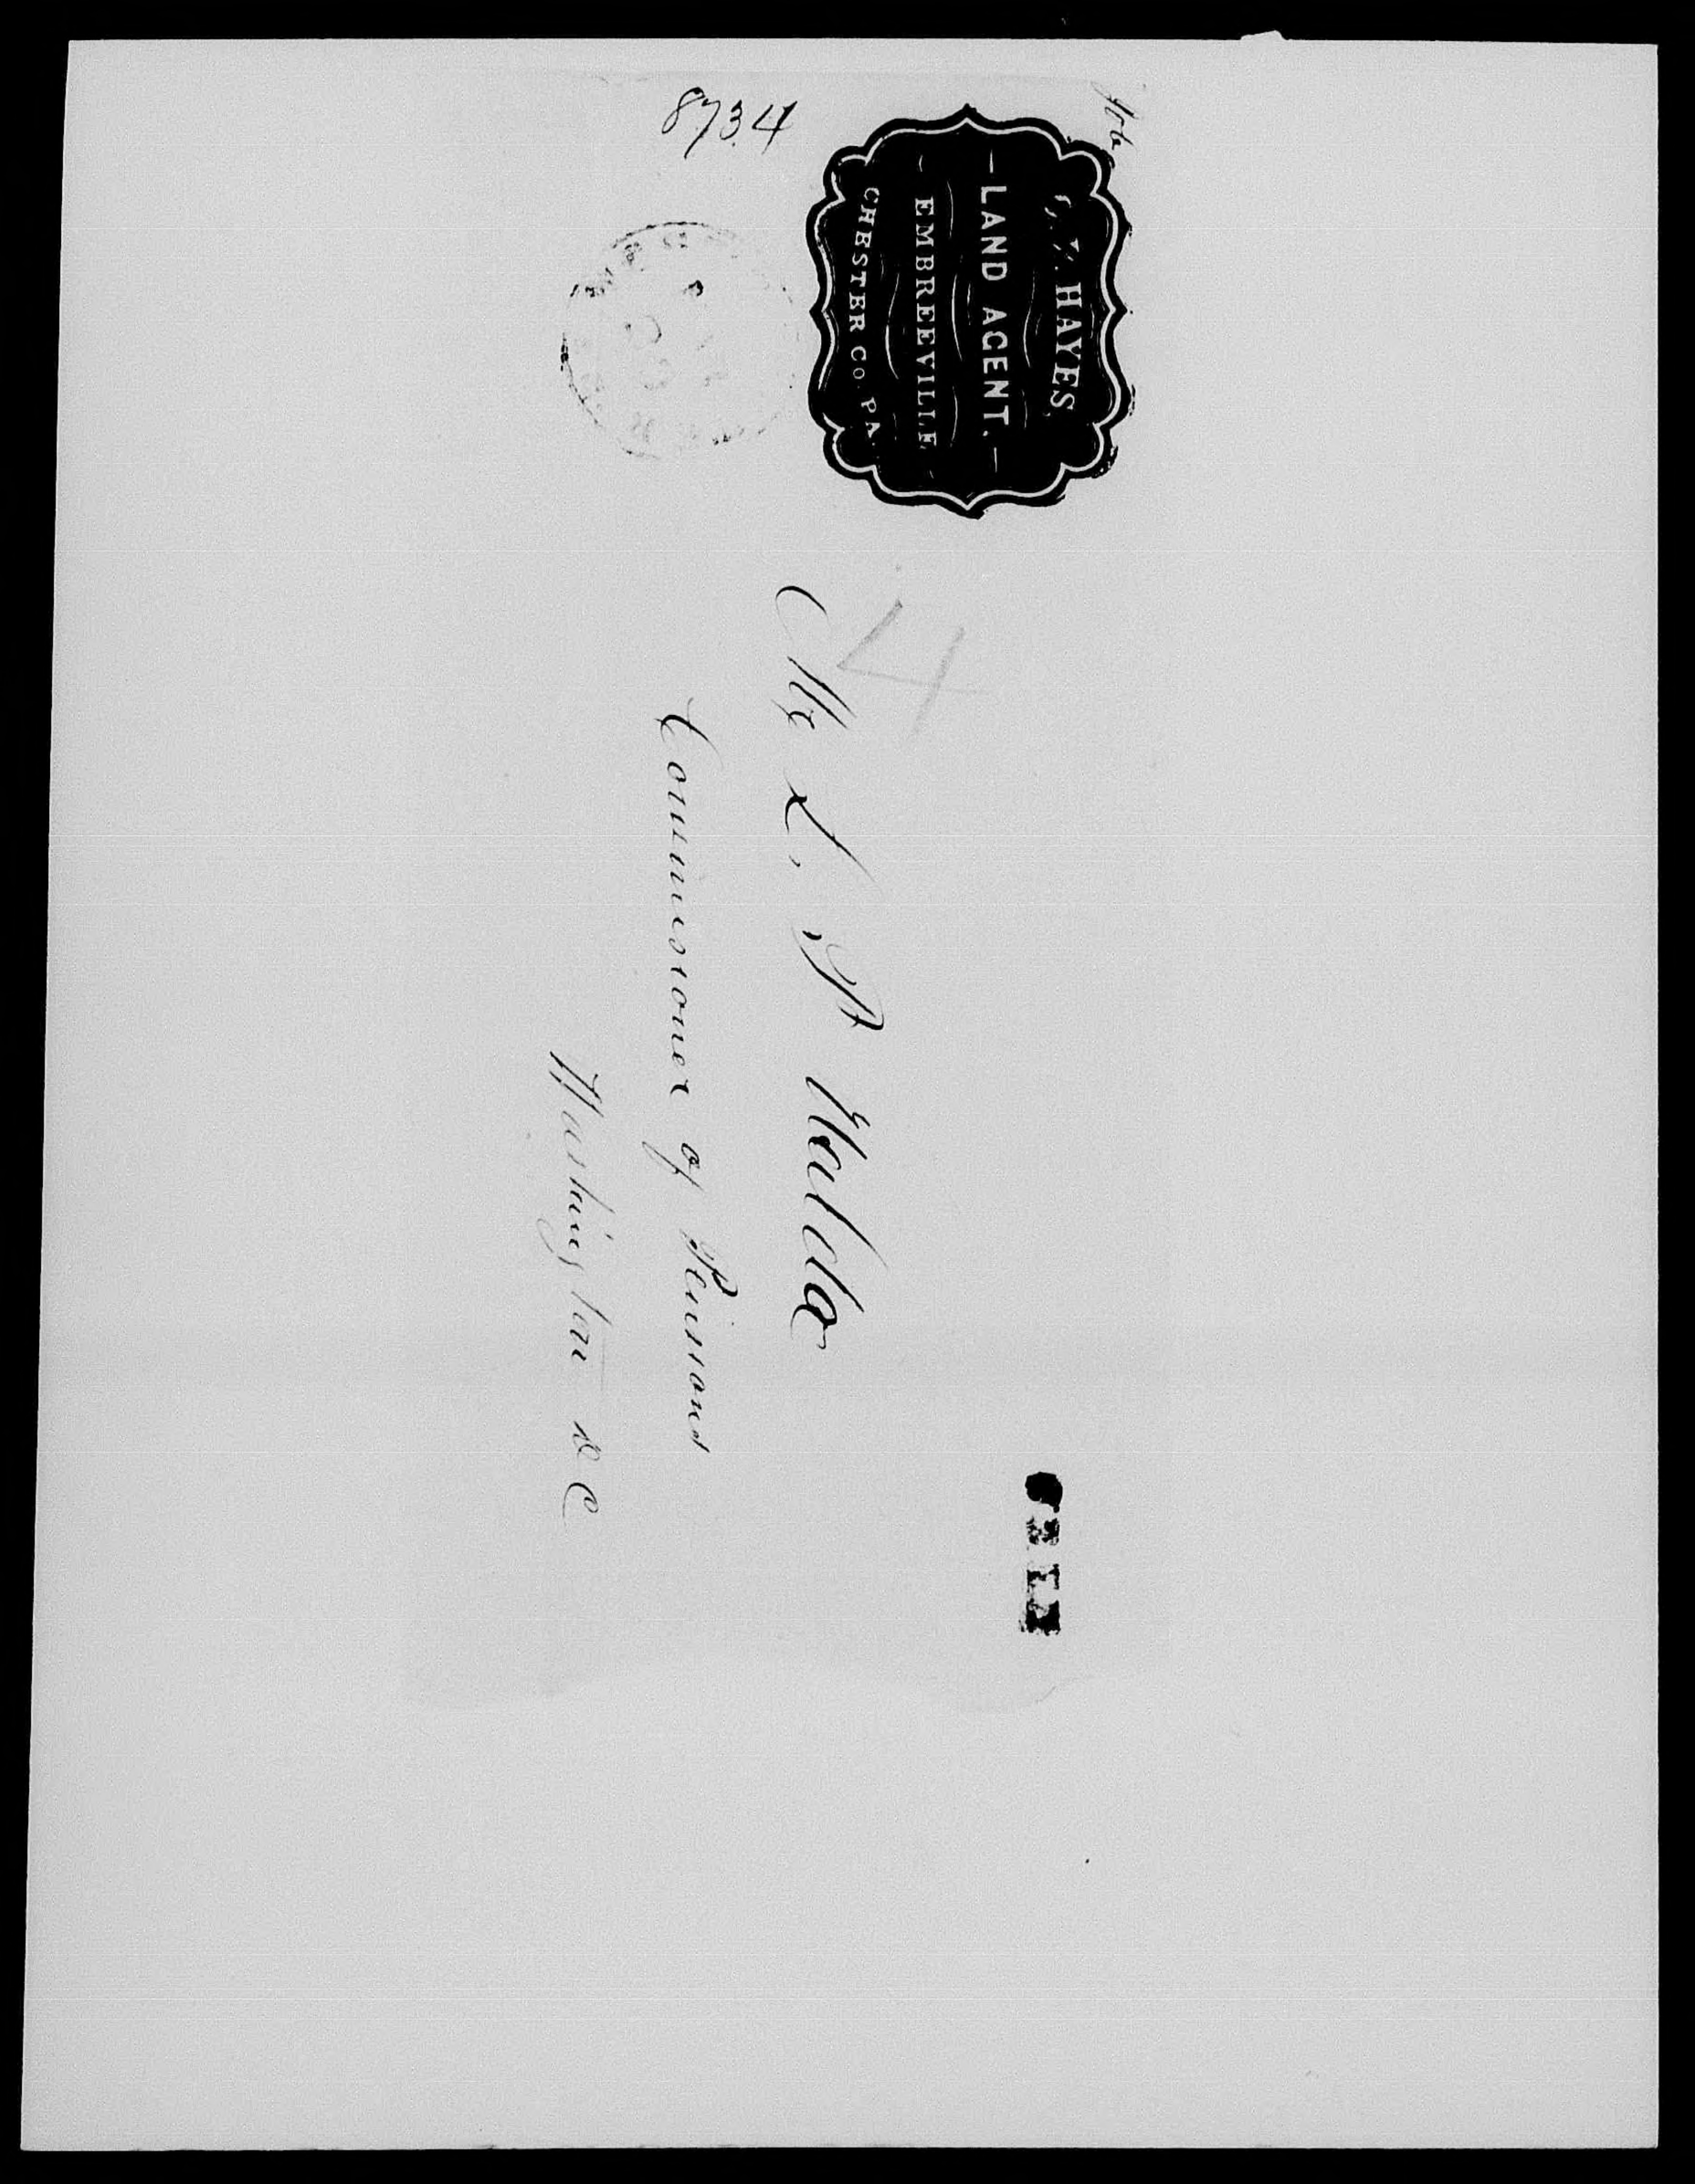8734

C.R. Hayes 
Land Agent
Embreeville
Chester Co., PA

STAMP

Mr. L.P. Waldo
Commissioner of Pensions
Washington, D.C.

FREE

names: L P Waldo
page: 33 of 74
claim: widow's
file: W. 9422, James Edgar, Penn.